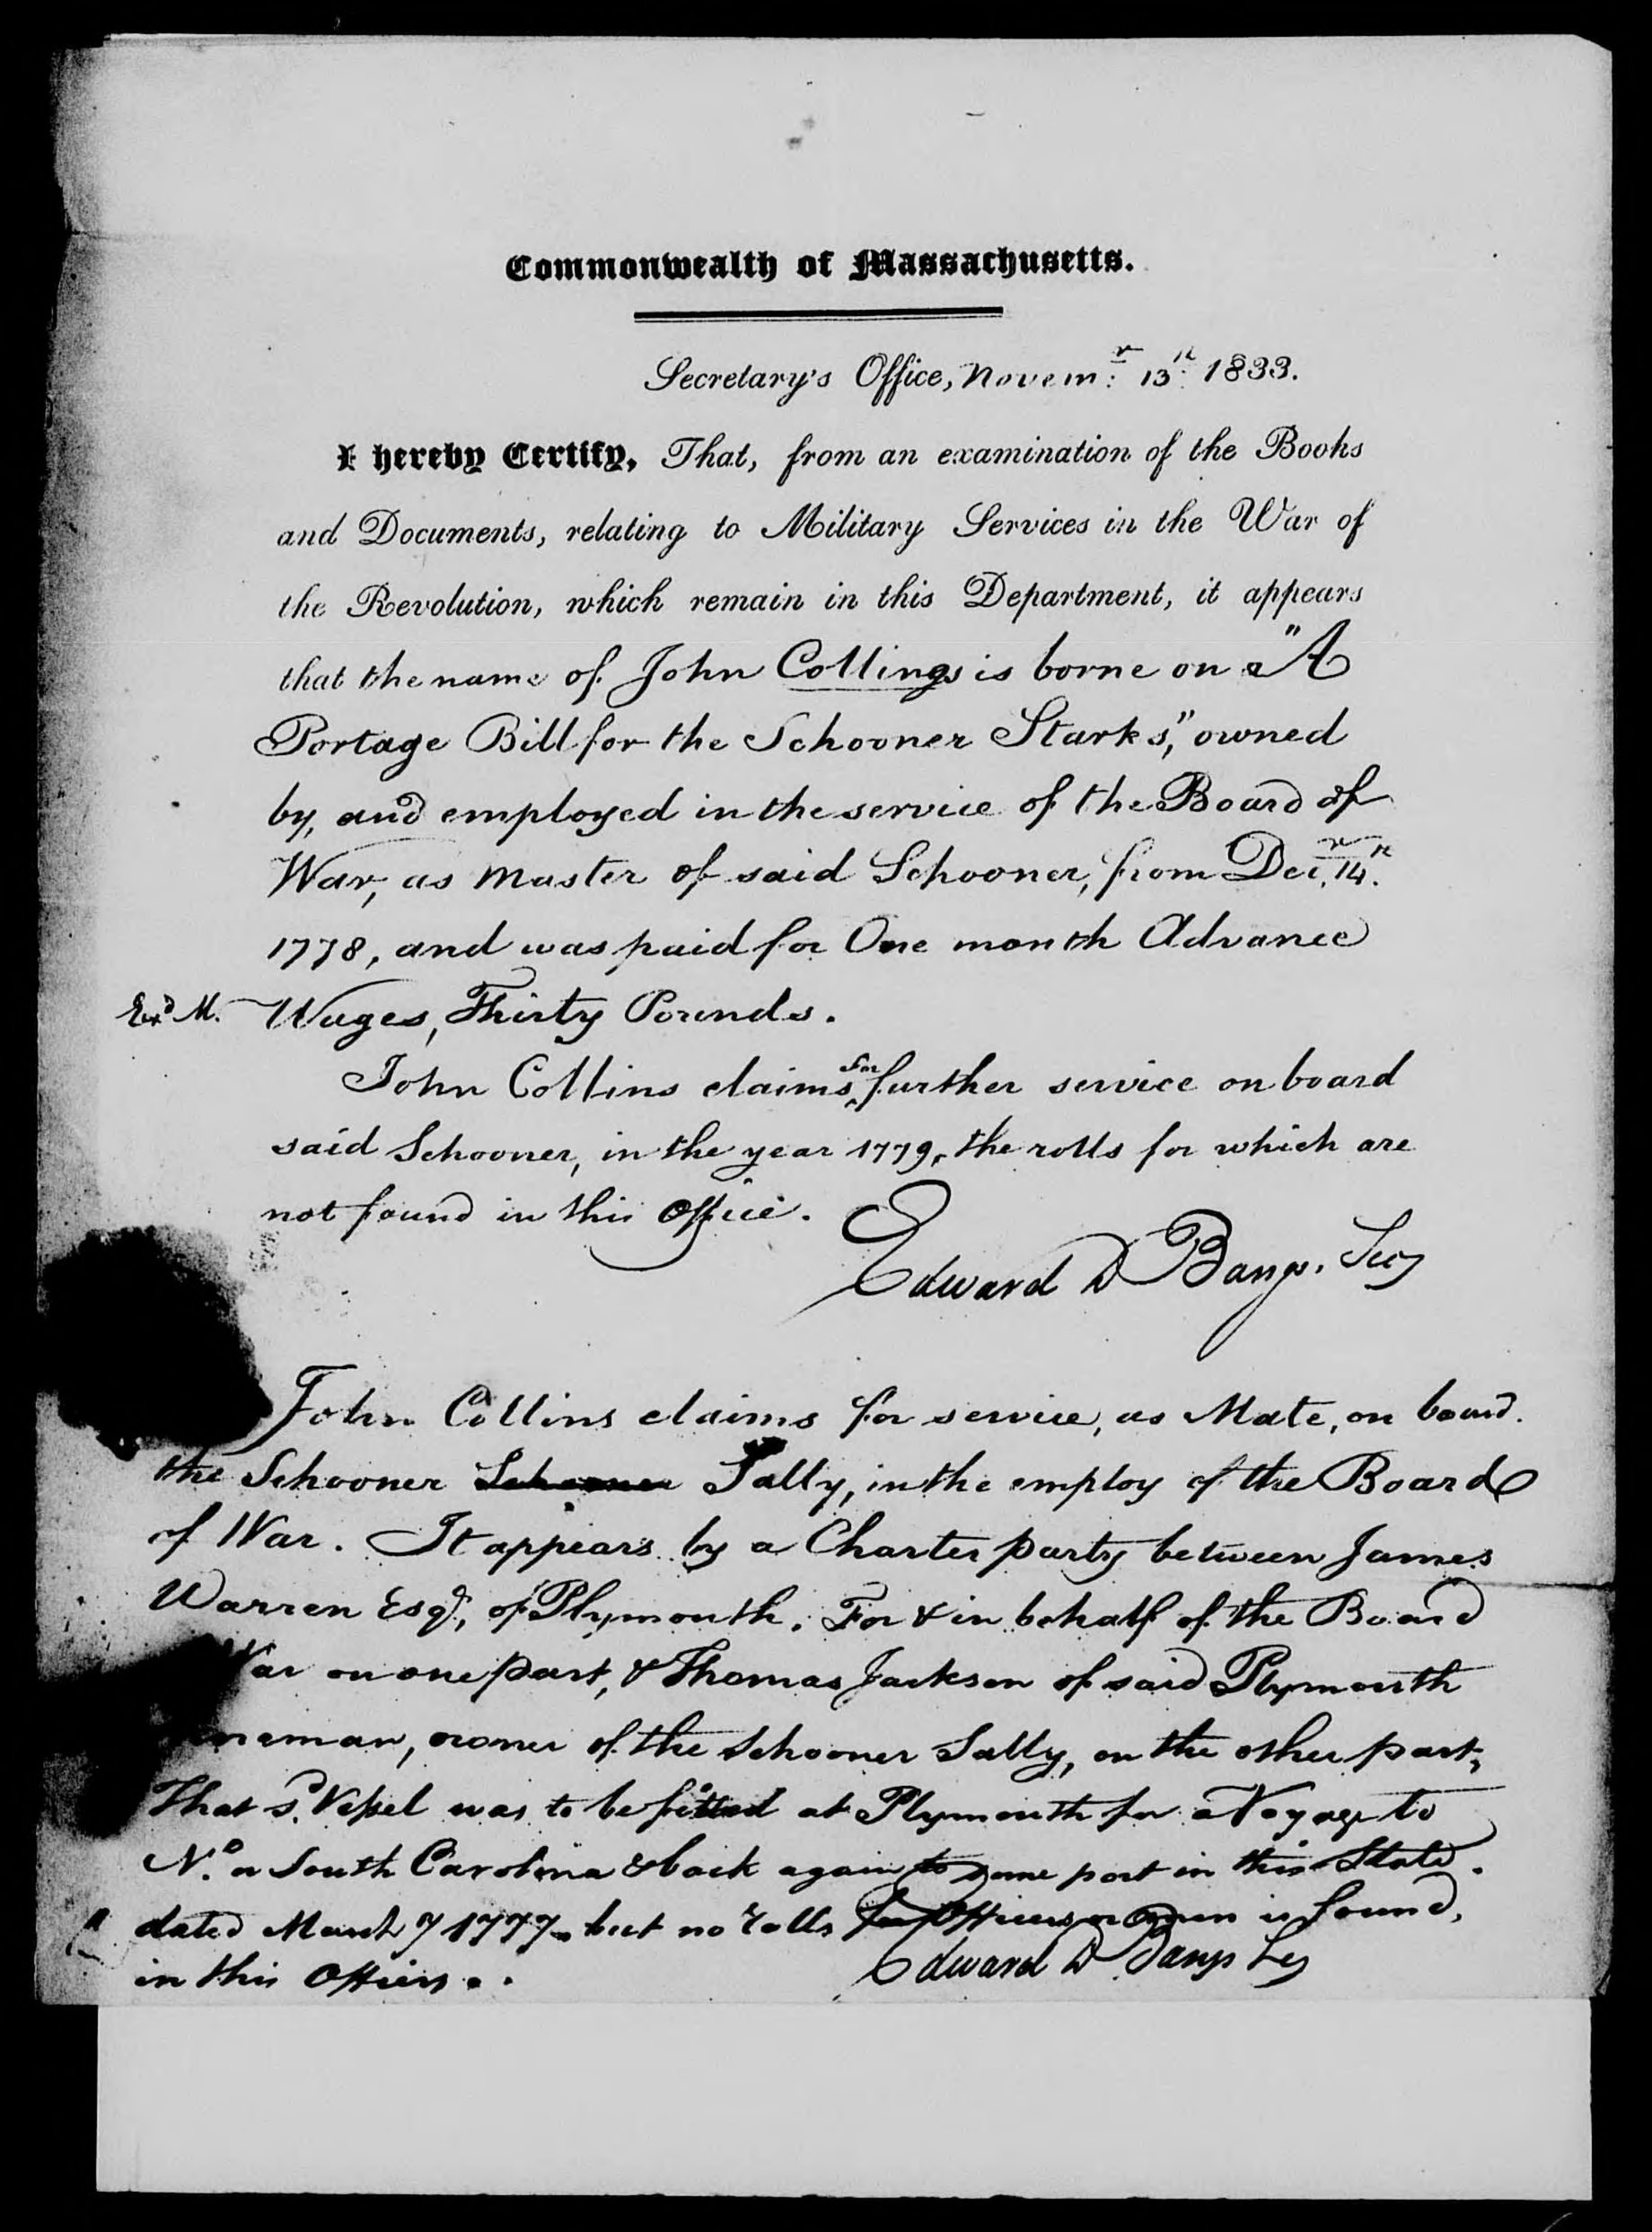Commonwealth of Massachusetts. Secretary's Office, Novem: 13th 1833 

I hereby Certify, That, from an examination of the Books and Documents, relating to Military Services in the War of the Revolution, which remain in this Department, it appears that the name of John Collings is borne on a Portage Bill for the Schooner Starks, owned by, and employed in the service of the Board of War, as Master of said Schooner, from Dec 4th 1778, and was paid for one month Advance E. Wages, Thirty Pounds 

John Collins claims further service on board said Schooner, in the year 1779, the rolls for which are not found in this office. 
Edward D Bangs Secy 

John Collins claims for service, as Mate, on board the Schooner Sally, in the employ of the Board of War. It appears by a Charter party between James Warren Esqr of Plymouth. For & in behalf of the Board of War on one part, & Thomas Jackson of said Plymouth Neman, owner of the Schooner Sally, on the other part that vessel was to be fitted at Plymouth for a Voyage to N. or South Carolina & back again to some port in this State dated March 1777 but no rolls for officers is found in this Offices 
Edward D Bangs Secy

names: M Wages, John Collings, John Collins, James Warren, Thomas Jackson, Edward D Bangs, Edward D Bangs, John Collins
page: 38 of 43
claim: survivor's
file: S. 29,732, John Collins, Mass. Navy